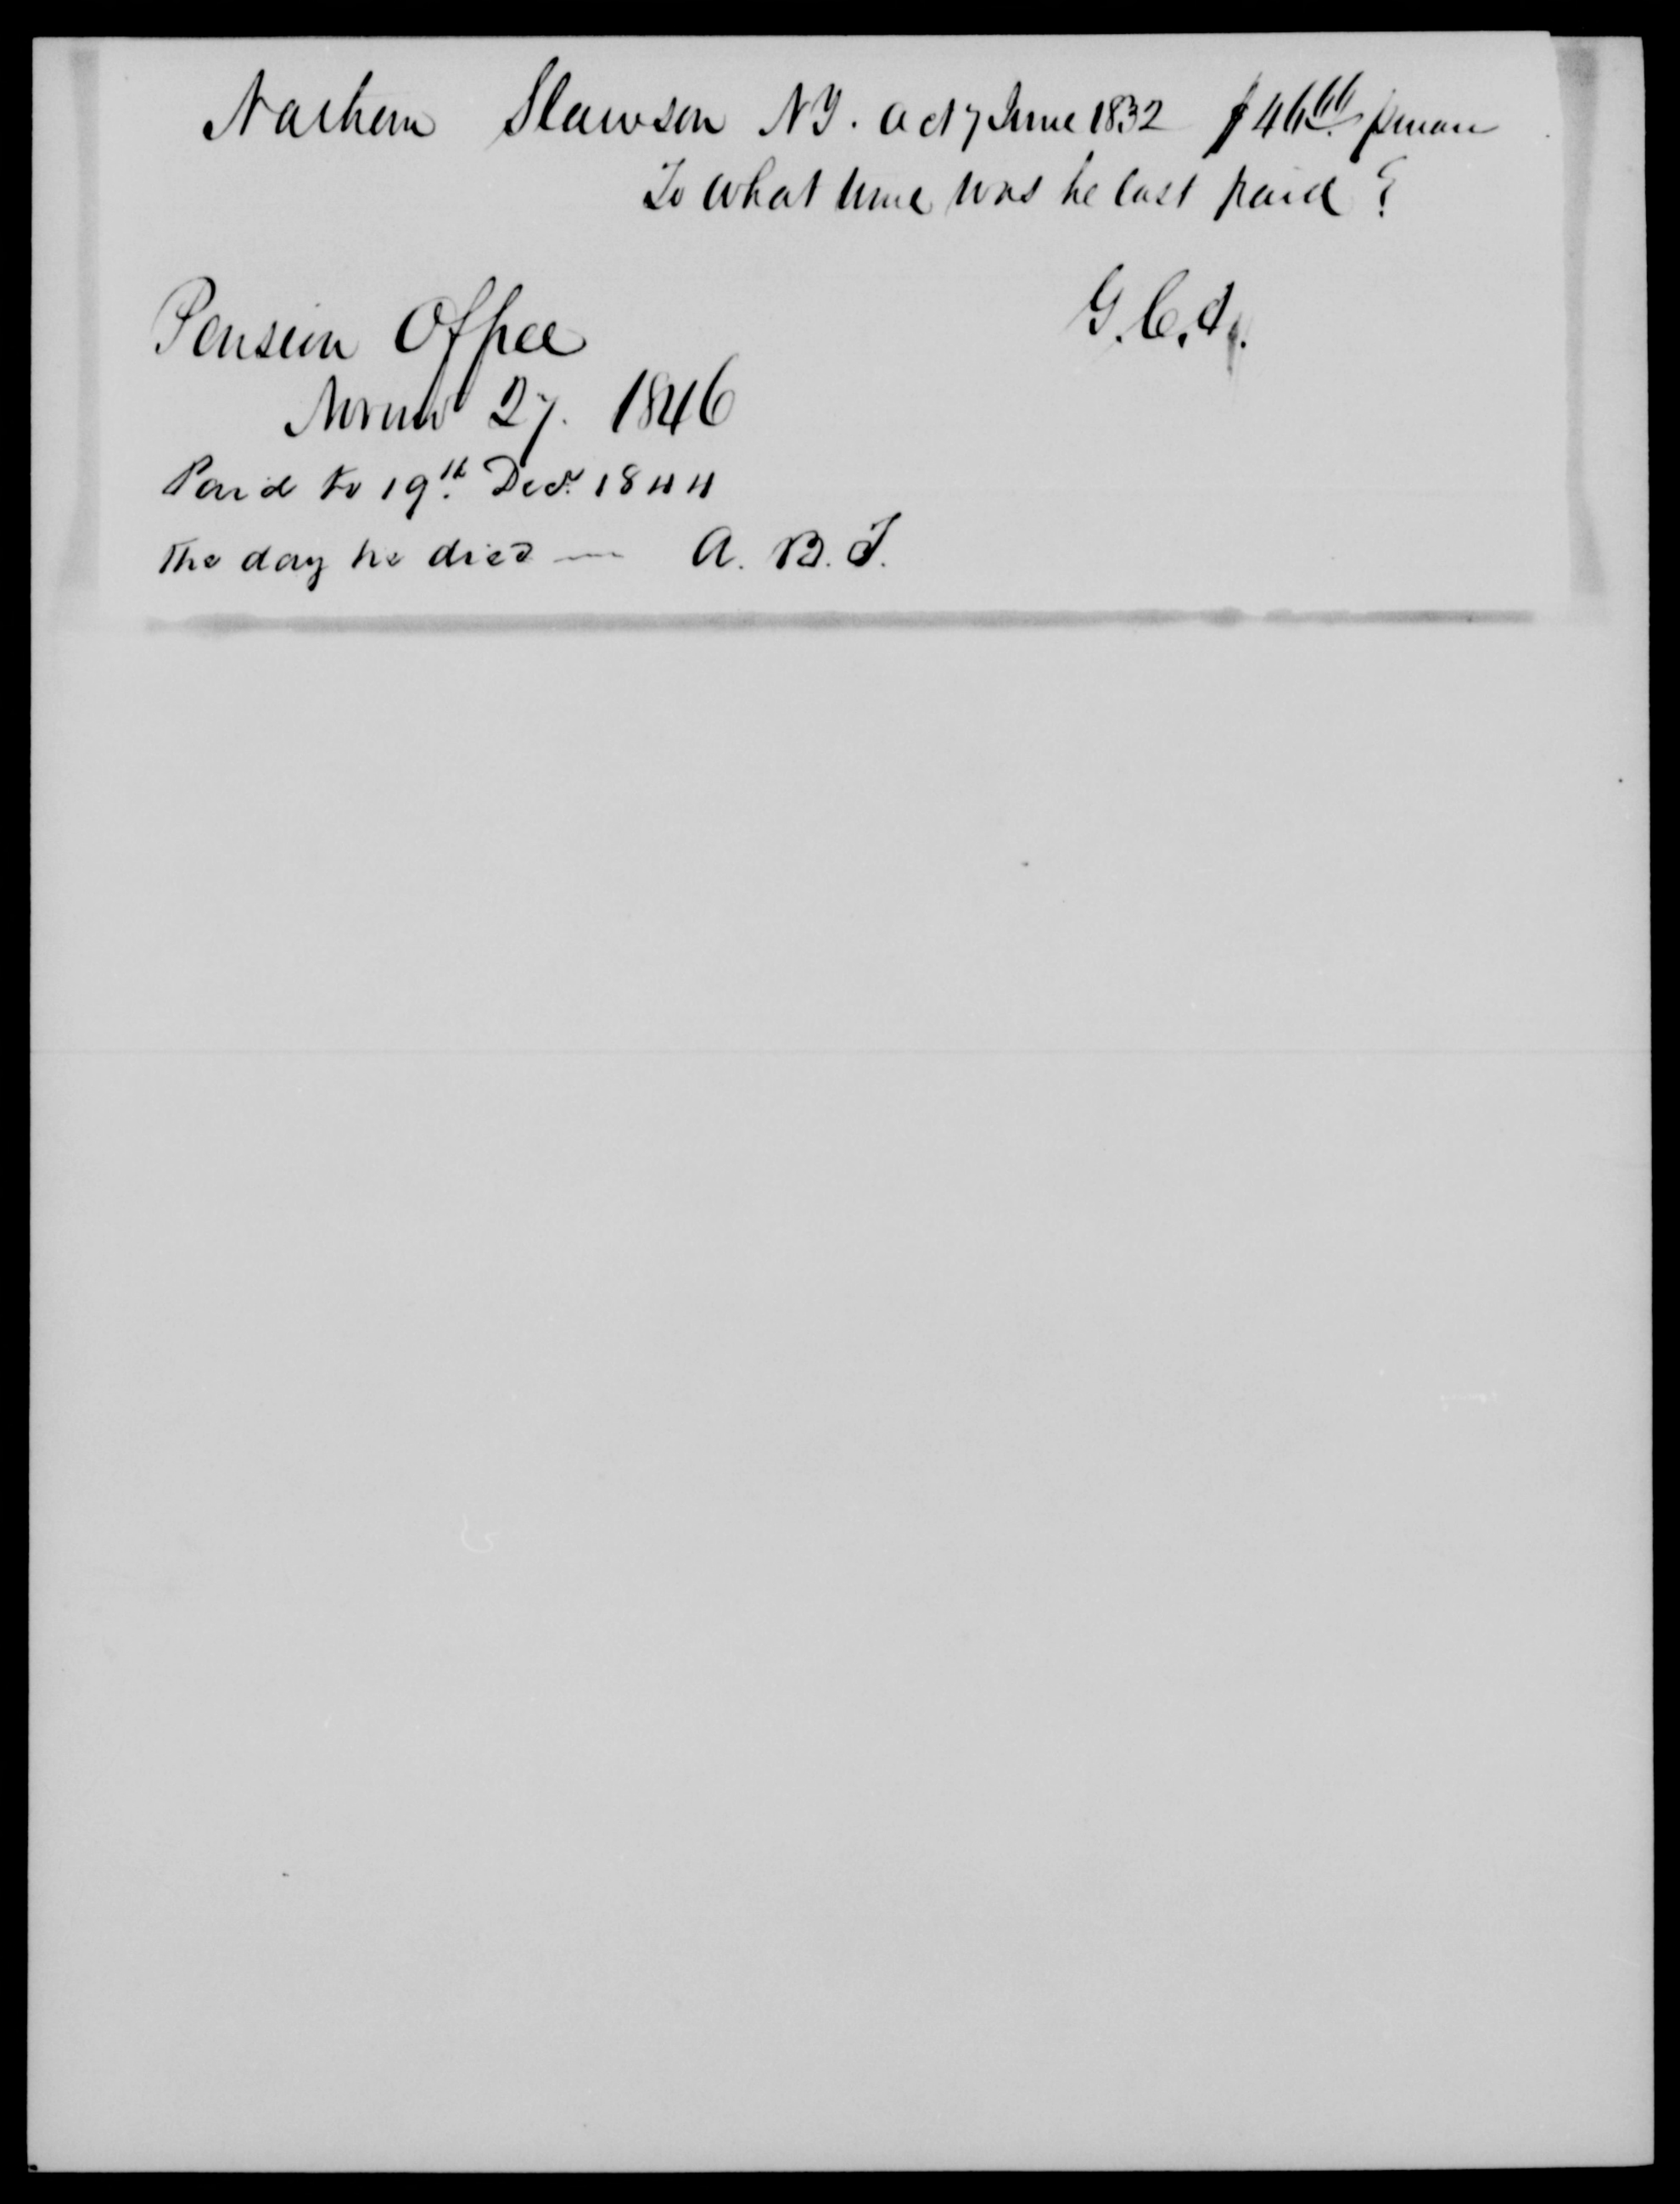Nathan Slawson N.Y. Act June 1832 $46.66 per ann  
To what time was he last paid 
G. C. A.
Pension Office Nov 27. 1846 
Paid to 19th Decr 1844 the day he died 
A .B. T.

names: Nathan Slawson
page: 38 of 87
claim: widow's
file: W. 22,226, for Nathan Slawson, Connecticut